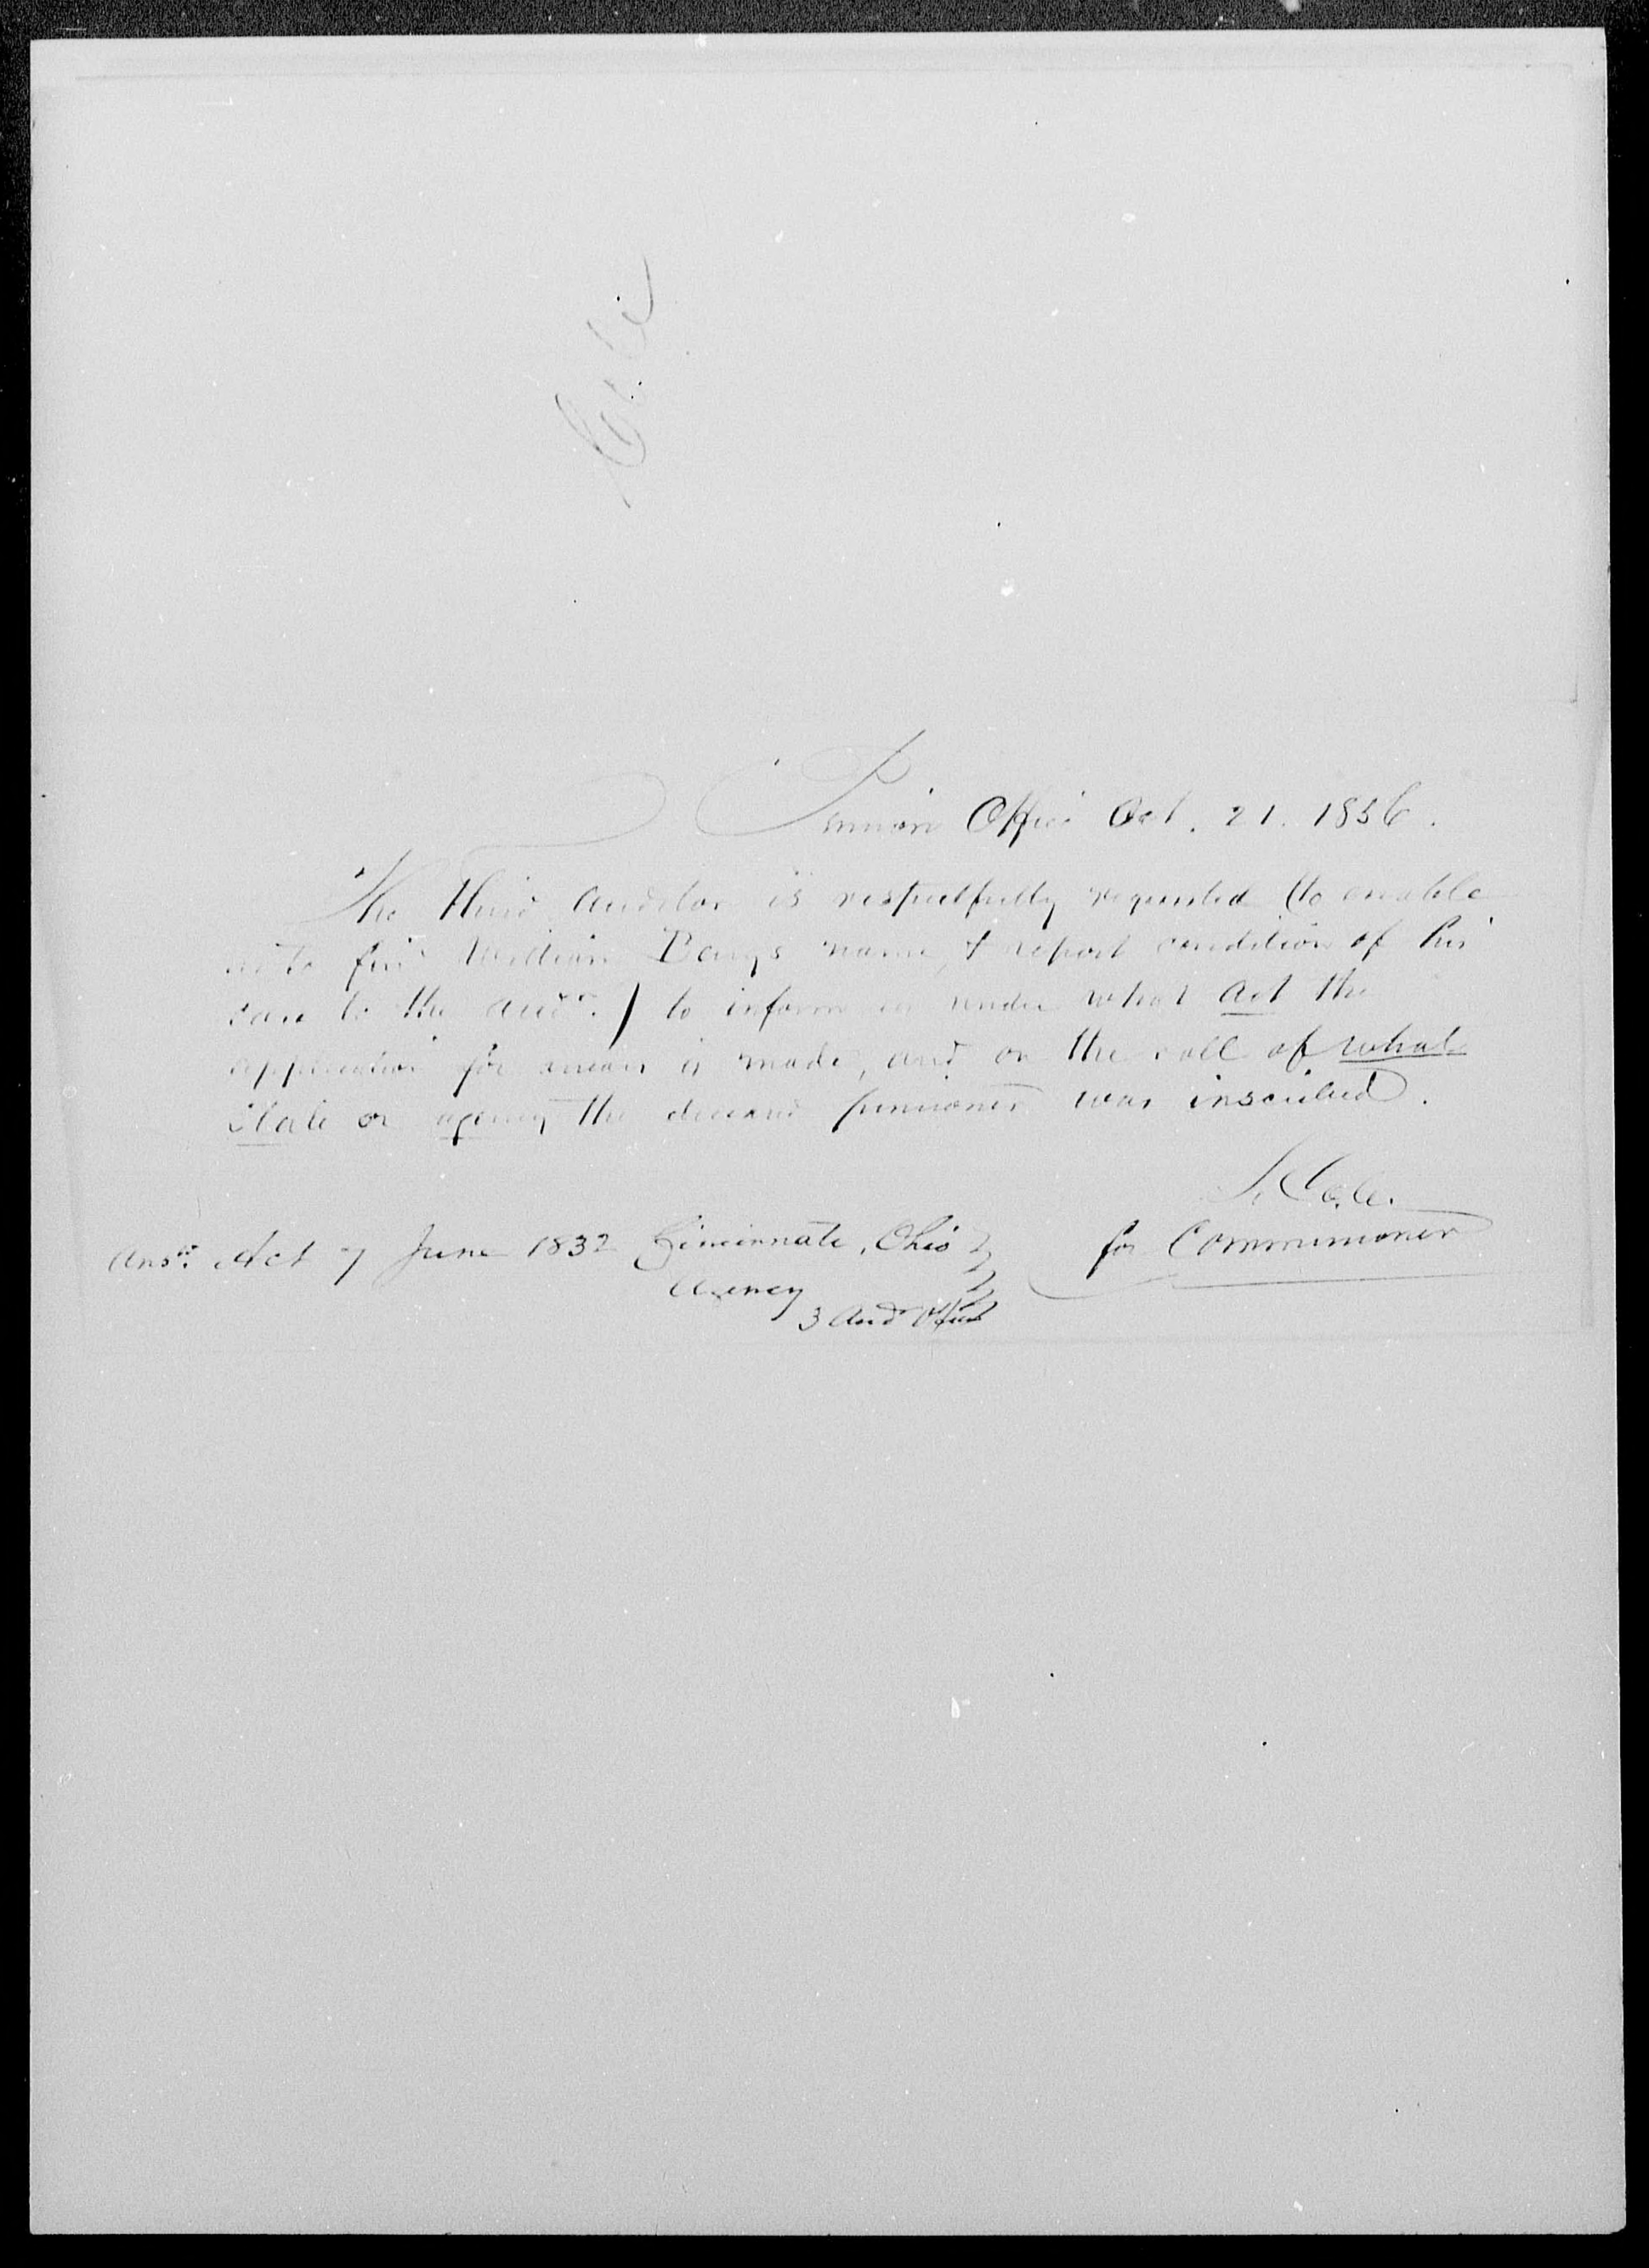[written sideways] Cole

Pension Office Oct. 21, 1856 
The Third Auditor is respectfully requested (to enable unto first William Berry’s name, & report condition of his case to the Aud.r [Auditor]) to inform us under what Act the application for arrears is made, and on the roll of what state or agency the deceased pensioner was inscribed.
S. Cole 
for Commissioner 

Ansr [Answer] Act 7 June 1832 Cincinnati, Ohio} 
Agency} 
3 Audr [Auditor] of seal}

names: William Berry, S Cole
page: 14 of 21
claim: survivor's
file: S. 2,371, William Berry, Va.